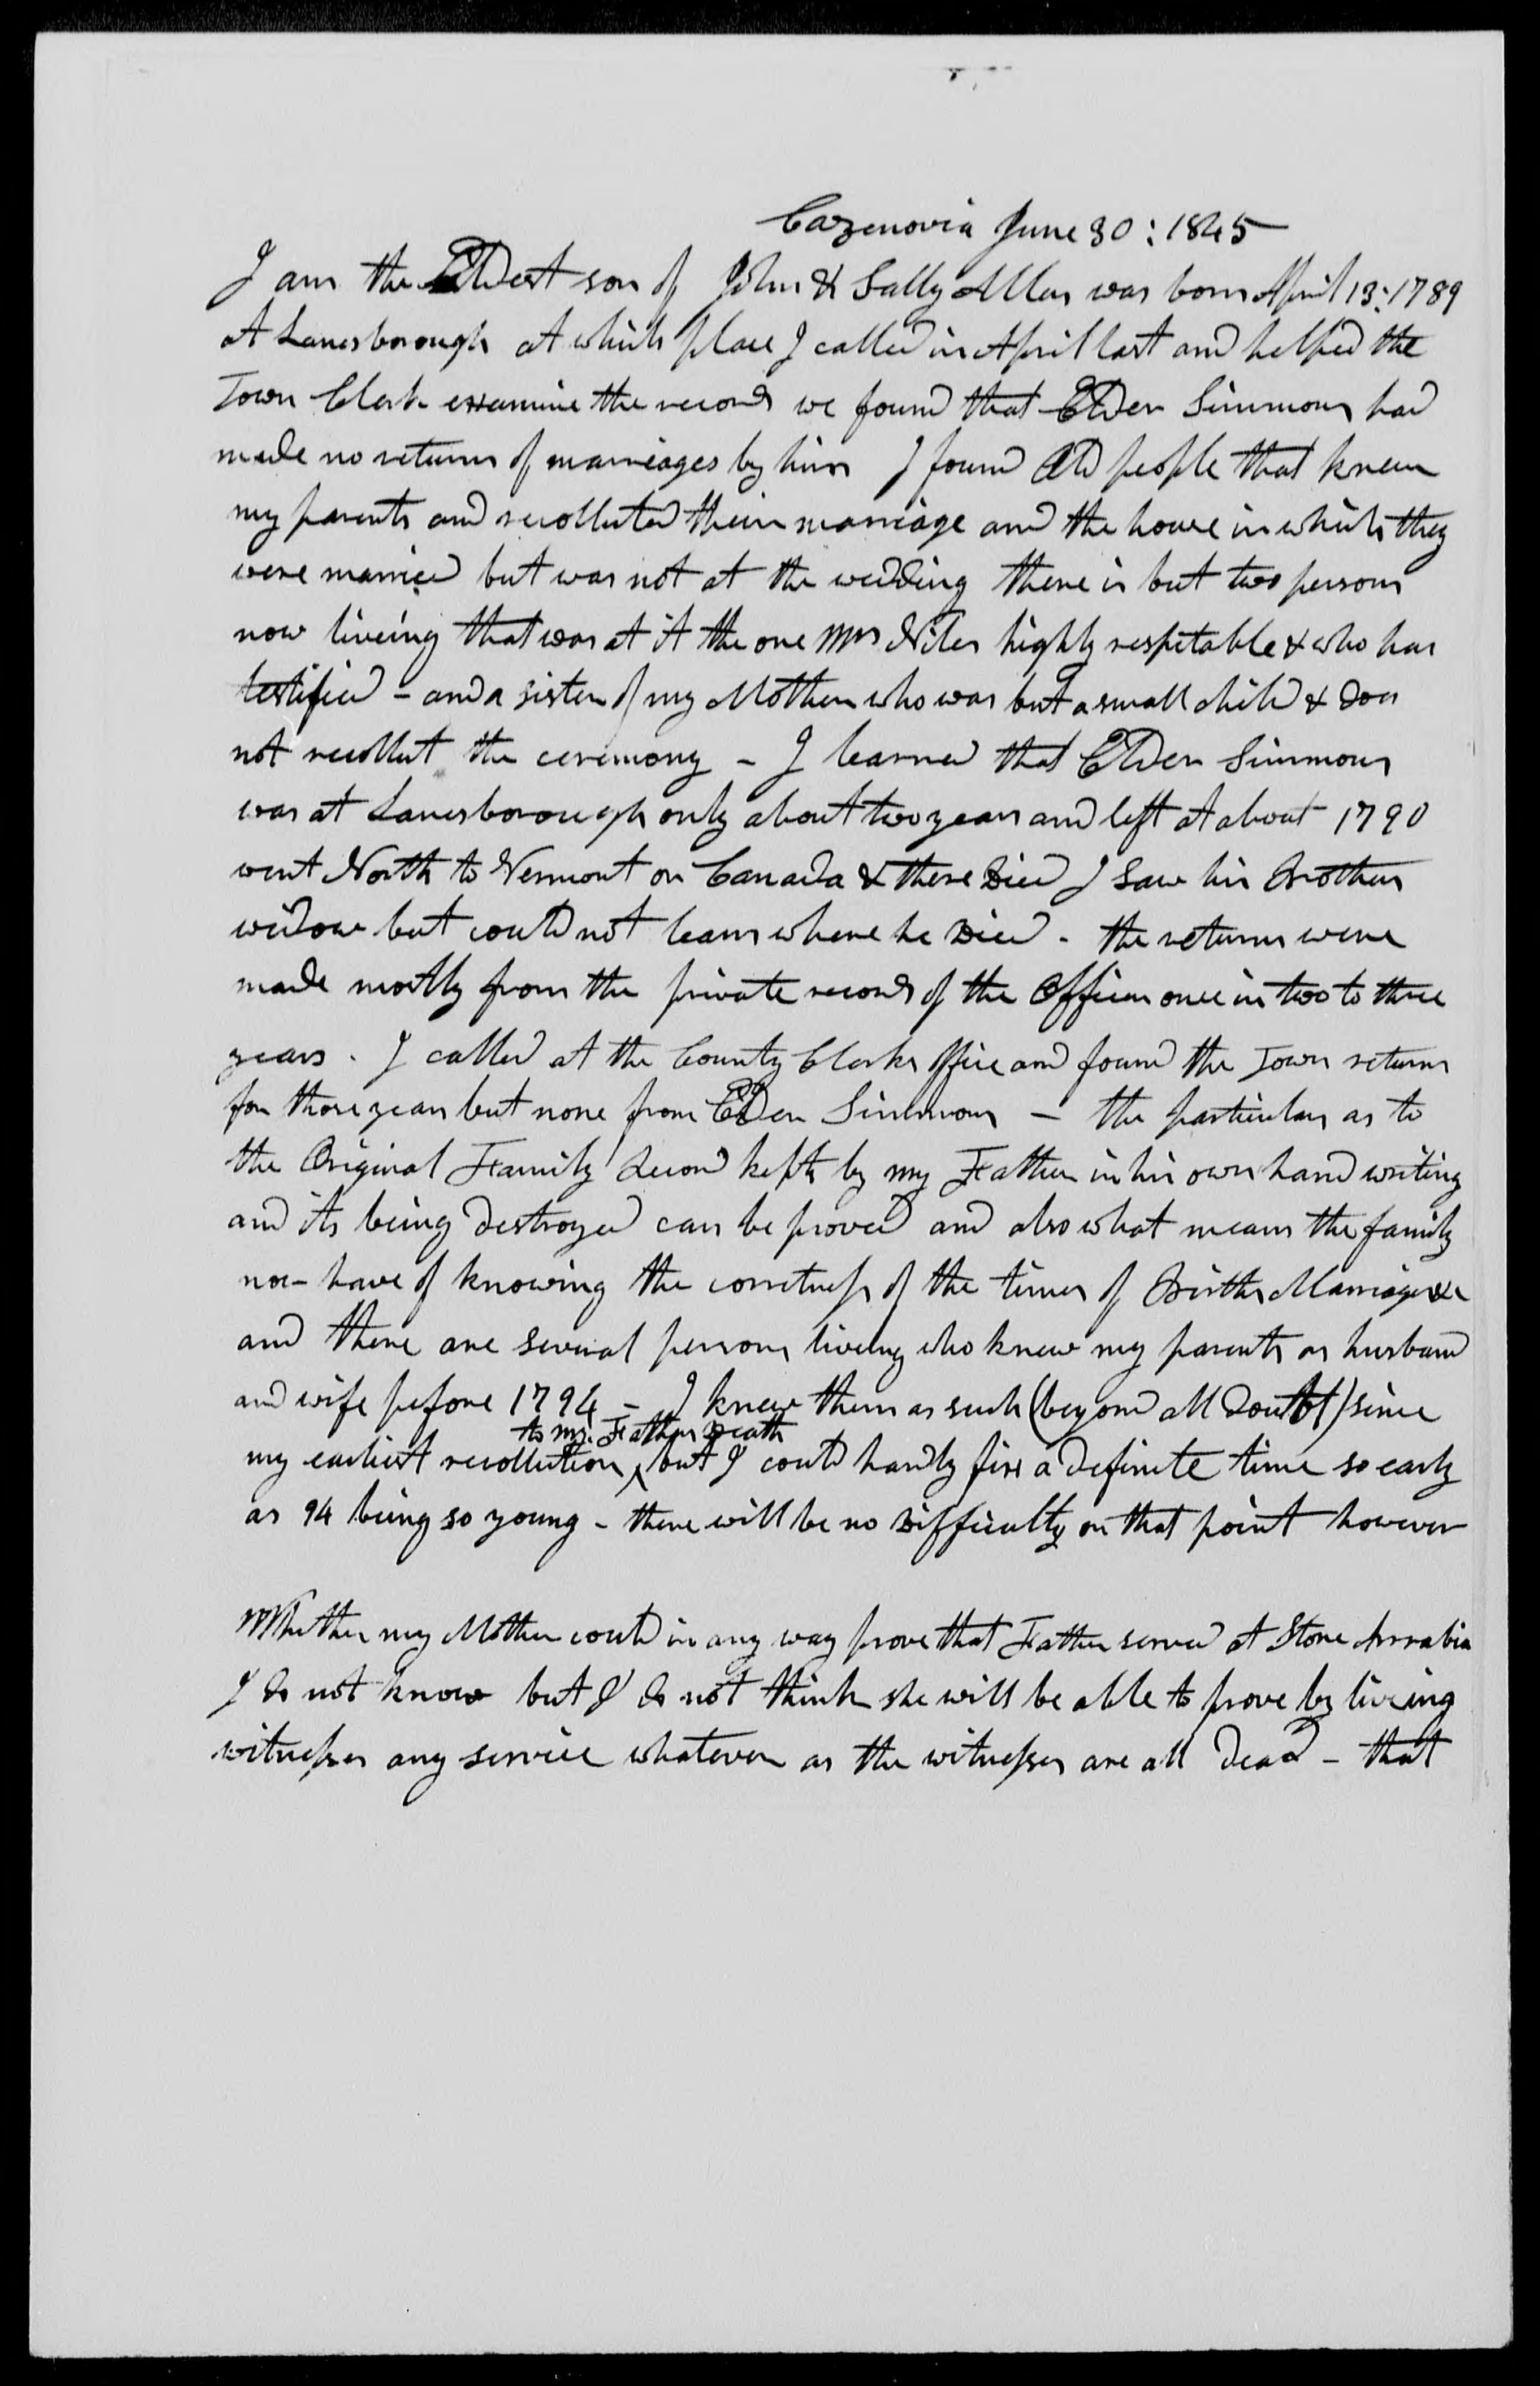Cazenovia June 30: 1845 
I am the eldest son of John & Sally Allen was born April 13: 1789 at Lanesborough at which place I called in April last and helped the Town Clerk examine the record we found that Elder Simmons had made no return of marriages by him I found old people that knew my parents and recollected their marriage and the house in which they were married but was not at the wedding there is but two person now living that was at it & the one Mrs Niles highly respectable & who has testified -  and a sister of my Mother who was but a small child & don [sic] not recollect the ceremony - I learned that Elder Simmons was at Lanesborough only about two years and left at about 1790 went North to Vermont on Canada & there died I saw his brothers widow but could not learn where he died. The returns were made mostly from the private records of the office once in two to three years. I called at the County Clerks office and found the Town return for those years but none from Elder Simmons - the particulars as to the Original Family record kept by my Father in his own hand writing and its being destroyed can be proved and also what means the family nor have of knowing the correctness of the times of Births, Marriages and there are several persons living who knew my parents as husband and wife before 1794 – I knew them as such (beyond all doubt) since my earliest recollection ^to my Fathers Death [written in above], but I could hardly fix a definite time so early as 14 being so young-- there will be no difficulty on that point however Whether my Mother could in any way prove that Father served at Stone Arabia I do not know but I do not think she will be able to prove by living witnesses any service whatever as the witnesses are all dead -- that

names: Elder Simmons, John Allen, Elder Simmons, Sally Allen, Elder Simmons, Niles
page: 43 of 74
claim: widow's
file: W. 23424, John Allen, Mass. R. I.